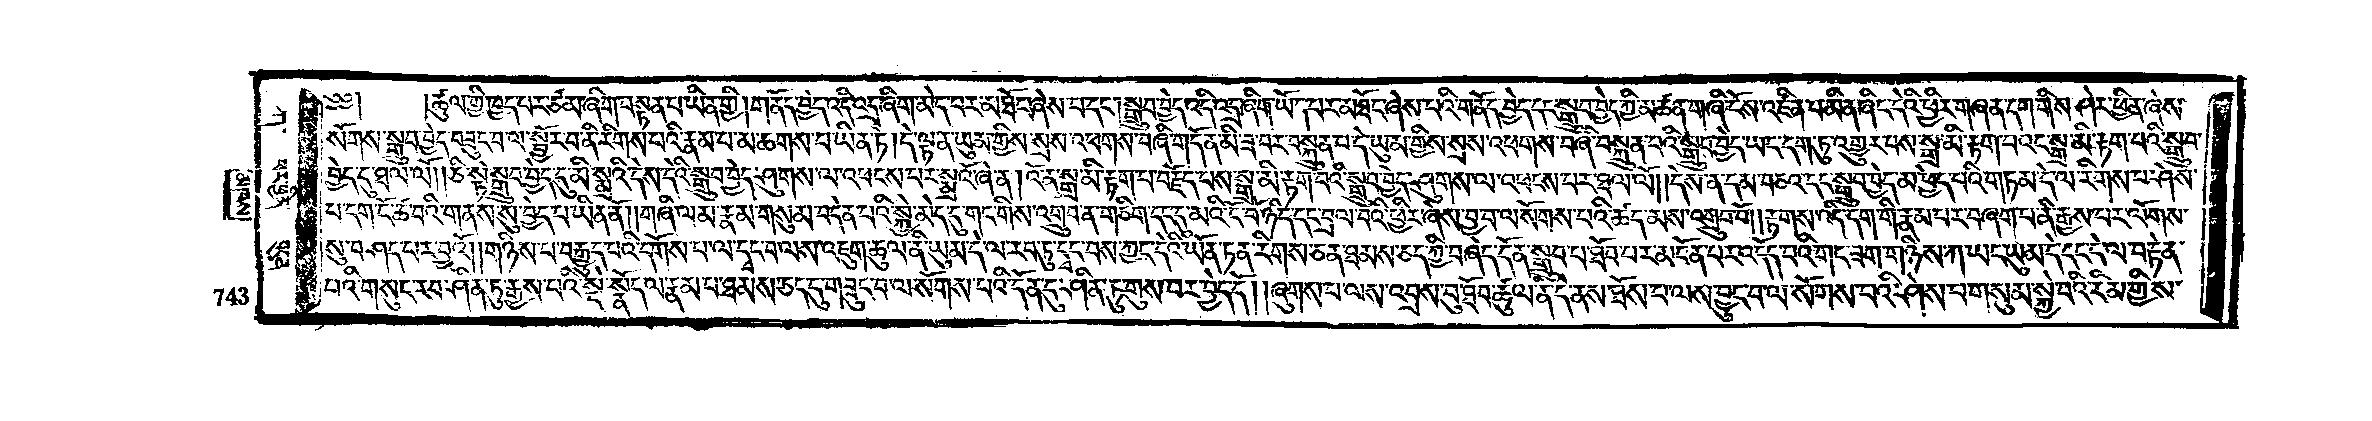༄༅། །ཚུལ་གྱི་ཁྱད་པར་ཙམ་ཞིག་བསྟན་པ་ཡིན་གྱི། གནོད་བྱེད་འདི་འདྲ་ཞིག་མེད་པར་མཐོང་ཞེས་པ་དང་། སྒྲུབ་བྱེད་འདི་འདྲ་ཞིག་ཡོད་པར་མཐོང་ཞེས་པའི་གནོད་བྱེད་དང་སྒྲུབ་བྱེད་ཀྱི་མཚན་གཞི་ངོས་འཛིན་པ་མིན་ཞིང་དེའི་ཕྱིར་གཞན་དག་གིས་ཤེར་ཕྱིན་ཞེས་
སོགས་སྒྲུབ་བྱེད་བཟུང་བ་ལ་སྦྱོར་བ་ནི་རིགས་པའི་རྣམ་པ་མ་ཆགས་པ་ཡིན་ཏེ། དེ་ལྟ་ན་ཡུམ་གྱིས་སྲས་འཕགས་བཞི་གདོན་མི་ཟ་བར་བསྐྲུན་པ་དེ་ཡུམ་གྱིས་སྲས་འཕགས་བཞི་བསྐྲུན་པའི་སྒྲུབ་བྱེད་ཡང་དག་ཏུ་འགྱུར་པས་སྒྲ་མི་རྟག་པའང་སྒྲ་མི་རྟག་པའི་སྒྲུབ་
བྱེད་དུ་ཐལ་ལོ། །ཅི་སྟེ་སྒྲུབ་བྱེད་དུ་མི་སྨྲའི་དེས་དེའི་སྒྲུབ་བྱེད་ཤུགས་ལ་འཕངས་པར་སྨྲའོ་ཞེ་ན། འོ་ན་སྒྲ་མི་རྟག་པ་བརྗོད་པས་སྒྲ་མི་རྟག་པའི་སྒྲུབ་བྱེད་ཤུགས་ལ་འཕངས་པར་ཐལ་ལོ། །དེས་ན་དམ་བཅའ་དང་སྒྲུབ་བྱེད་མ་ཕྱེད་པའི་གཏམ་དེ་ལ་རིགས་པ་ཤེས་
པ་དག་ངོ་ཚ་བའི་གནས་སུ་བྱེད་པ་ཡིན་ནོ། །གཞི་ལམ་རྣམ་གསུམ་བདེན་པའི་སྐྱེ་མེད་དུ་གང་གིས་འགྲུབ་ན་གཅིག་དང་དུ་མའི་ངོ་བོ་ཉིད་དང་བྲལ་བའི་ཕྱིར་ཞེས་བྱ་བ་ལ་སོགས་པའི་ཚད་མས་འགྲུབ་བོ། །རྟགས་འདི་དག་གི་རྣམ་པར་བཞག་པ་ནི་རྒྱས་པར་ལོགས་
སུ་བཤད་པར་བྱའོ། །གཉིས་པ་བརྒྱུད་པའི་དགོས་པ་ལ་དྭང་བ་ལས་འཇུག་ཚུལ་ནི་ཡུམ་དེ་ལ་རབ་ཏུ་དྭང་བས་ཀྱང་དེའི་ཡོན་ཏན་རིགས་ཅན་ཐམས་ཅད་ཀྱི་བཞེད་དོན་སྒྲུབ་པ་ཐོབ་པར་མངོན་པར་འདོད་པའི་གང་ཟག་གཉིས་ཀ་ཡང་ཡུམ་དེ་དང་དེ་ལ་བརྟེན་
པའི་གསུང་རབ་ཤིན་ཏུ་རྒྱས་པའི་སྡེ་སྣོད་ལ་རྣམ་པ་ཐམས་ཅད་དུ་གཟུང་བ་ལ་སོགས་པའི་དོན་དུ་ཤིན་ཏུ་གུས་པར་བྱེད་དོ། །ཞུགས་པ་ལས་འབྲས་བུ་ཐོབ་ཚུལ་ནི་དེ་ནས་ཐོས་པ་ལས་བྱུང་བ་ལ་སོགས་པའི་ཤེས་པ་གསུམ་སྐྱེ་བའི་རིམ་གྱིས་